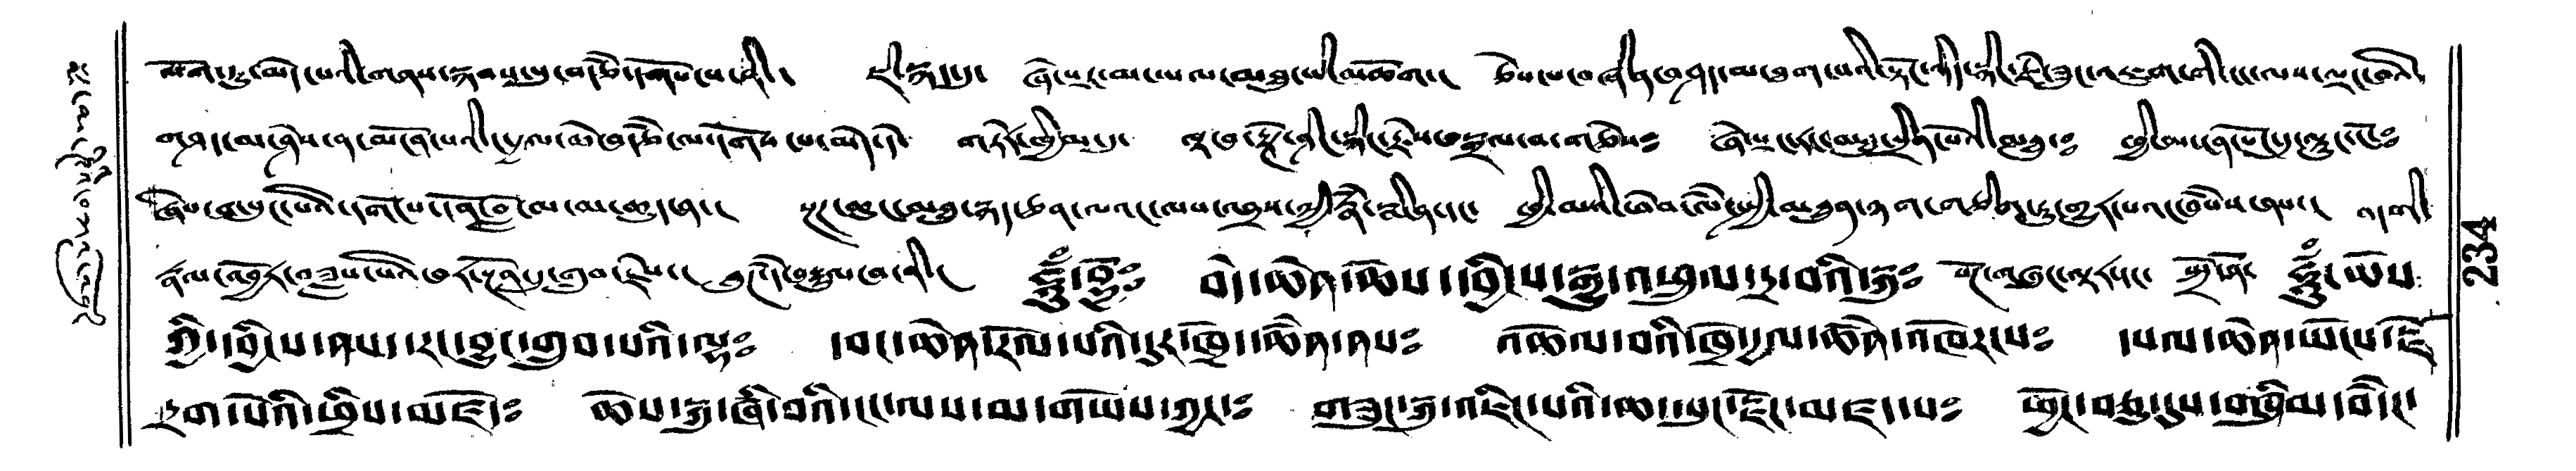འགོག་ཏུ་མེད་པའི་གནས་སྐབས་སུ་རྩོམ་དགོས་པ་ནི། ཇི་སྐད་དུ། ཞེ་སྡང་མང་ཡལ་མཐུ་ཡི་མཆོག་ ཅེས་པ་བཞིན་བཤད་མ་ཐག་པའི་སྟོང་ཉིད་སྙིང་རྗེ་ཟུང་འཇུག་གི་ངང་ལས་ལྡང་བའི་
གནད་མ་ཤེས་ན་མངོན་པའི་ང་རྒྱལ་ཆེ་ཙམ་ལ་དགོས་པ་མེད་དེ། གཏེར་ཁྱིམ་དུ། ལྟ་བ་རྟོགས་ཤིང་སྙིང་རྗེས་བསྒྲལ་བ་གཅེས༔ ཞེ་སྡང་རང་མཐུ་སྲིན་པོའི་མཐུ༔ ཕྱི་མ་ངན་སོང་དུ་ལྟུང་ངོ༔ 
ཞེས་གསུངས་པའི་དགོངས་དོན་བློ་ལ་མ་ཆུད་ན། སྔགས་ཆུང་མཐུ་སྐད་ཅན་ལའང་ལས་འབྲས་ཀྱི་རྣམ་སྨིན་དང་ཕྱི་མའི་ཕེབས་ལམ་སྤྱི་མཐུན་ཉག་གཅིག་ཏུ་གྱུར་པའང་བསམས་ནས།བདག་གི་
རྣལ་འབྱོར་བཟླས་པའི་བར་སྔོན་དུ་གྲུབ་རྗེས། ཐུགས་དམ་སྐུལ་བ་ནི། ཧཱུྃ་བྷྱོཿ བདེ་ཆེན་ཆོས་དབྱིངས་སྒྱུ་འཕྲུལ་དྲྭ་བའི་སྐུཿ སོགས་གཞུང་ལྟར་དང་། སྤྲོ་ན། ཧཱུྃ་ཆོས་
ཀྱི་དབྱིངས་ནས་རང་བྱུང་གྲུབ་པའི་ལྷཿ དབང་ཆེན་རོལ་པའི་དུར་ཁྲོད་ཆེན་པོས་ནསཿ འཆོལ་བའི་ཁྲོ་རྒྱལ་ཆེན་པོ་འཁོར་དང་བཅསཿ དཔལ་ཆེན་ཡོངས་རྫོགས་
དྲག་པོའི་ཕྲིན་ལས་མཛོདཿ ཆོས་སྐུ་ཞི་བའི་ངང་ལས་མ་གཡོས་ཀྱངཿ གཟུགས་སྐུ་འཇིགས་པའི་ཆད་ལུགས་རྫོགས་མཛད་པཿ ཕྱོགས་བཅུ་དུས་གསུམ་བདེ་གཤེགས་